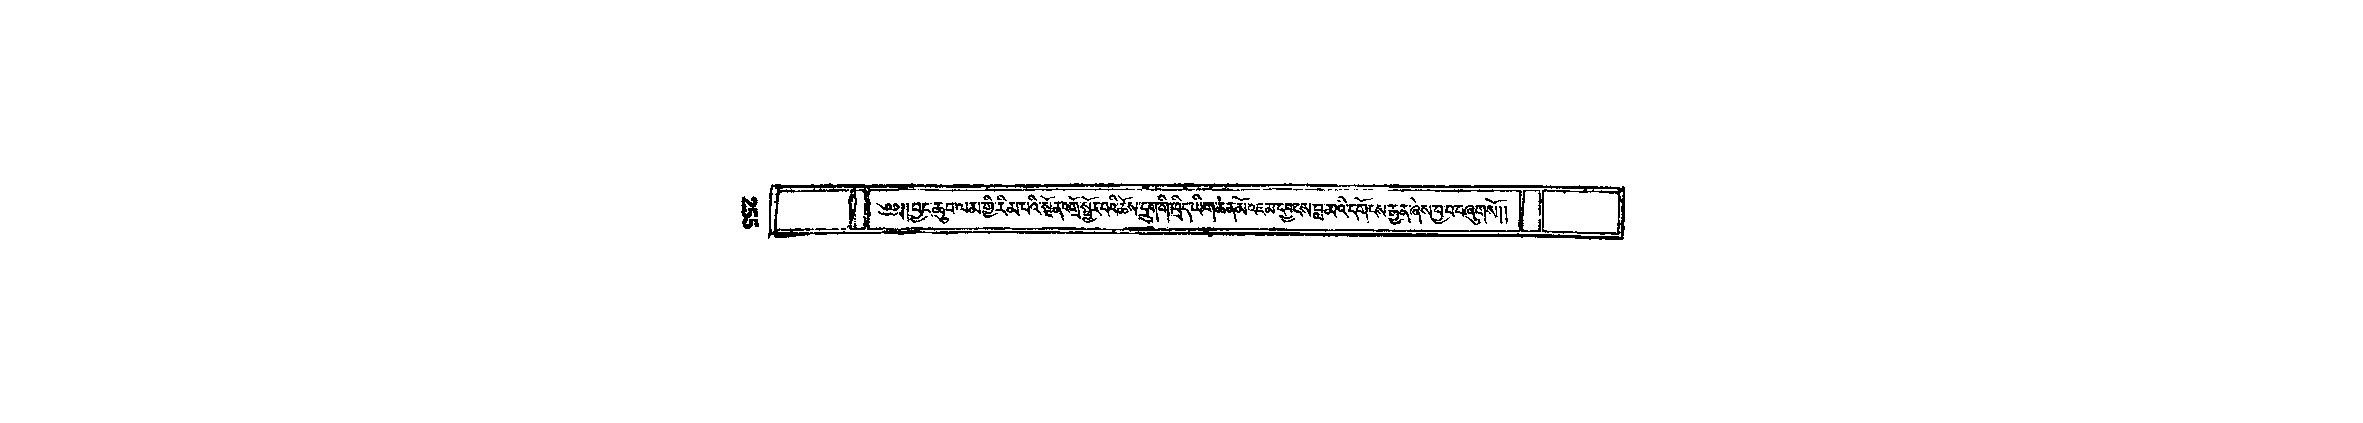༄༅། །བྱང་ཆུབ་ལམ་གྱི་རིམ་པའི་སྔོན་འགྲོ་སྦྱོར་བའི་ཆོས་དྲུག་གི་ཁྲིད་ཡིག་ཆེན་མོ་འཇམ་དབྱངས་བླ་མའི་དགོངས་རྒྱན་ཞེས་བྱ་བ་བཞུགས་སོ།།